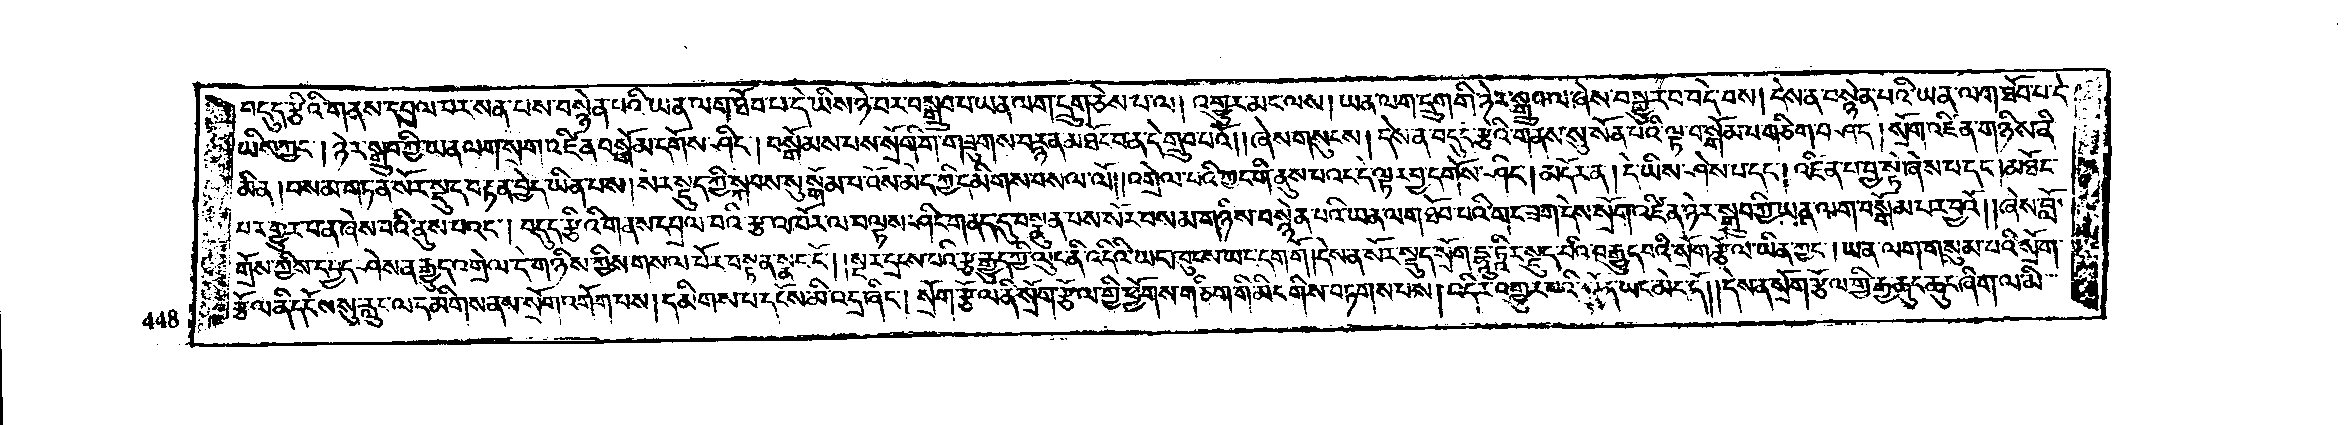བདུད་རྩིའི་གནས་དཔྲལ་བར་སན་པས་བསྙེན་པའི་ཡན་ལག་ཐོབ་པ་དེ་ཡིས་ཉེ་བར་བསྒྲུབ་པ་ཡན་ལག་དྲུག་ཅེས་པ་ལ། འགྱུར་མང་ལས། ཡན་ལག་དྲུག་གི་ཉེར་སྒྲུབ་ལ་ཞེས་བསྒྱུར་བ་བདེ་བས། དེས་ན་བསྙེན་པའི་ཡན་ལག་ཐོབ་པ་དེ་
ཡིས་ཀྱང་། ཉེར་སྒྲུབ་ཀྱི་ཡན་ལག་སྲོག་འཛིན་བསྒོམ་དགོས་ཤིང་། བསྒོམས་པས་སྲོག་གི་གཟུགས་བརྙན་མཐོང་བ་ན་དེ་གྲུབ་པའོ། །ཞེས་གསུངས། དེས་ན་བདུད་རྩིའི་གནས་སུ་སོན་པའི་ལྟ་བ་སྒོམ་པ་གཅིག་བཤད། སྲོག་འཛིན་གཉིས་ནི་
མིན། བསམ་གཏན་སོར་སྡུད་བརྟན་བྱེད་ཡིན་པས། སེར་སྡུད་ཀྱི་སྐབས་སུ་སྒོམ་པ་འོས་མེད་ཀྱི་དམིགས་བསལ་ལོ། །འགྲེལ་པའི་ཀྱང་གི་ནུས་པའང་དེ་ལྟར་བྱ་དགོས་ཤིང་། མདོར་ན། དེ་ཡིས་ཤེས་པ་དང་། འཛིན་པ་བྱ་སྟེ་ཞེས་པ་དང་། མཐོང་
པར་གྱུར་པ་ན་ཞེས་པའི་ནུས་པའང་། བདུད་རྩིའི་གནས་དཔྲལ་བའི་རྩ་འཁོར་ལ་བལྟས་ཤིང་གནད་དུ་བསྣུན་པས་སོར་བསམ་གཉིས་བསྙེན་པའི་ཡན་ལག་ཐོབ་པའི་གང་ཟག་དེས་སྲོག་འཛིན་ཉེར་སྒྲུབ་ཀྱི་ཡན་ལག་བསྒོམ་པར་བྱའོ། །ཞེས་བློ་
གྲོས་ཀྱིས་དཔྱད་ཤེས་ན་རྒྱུད་འགྲེལ་དེ་གཉིས་ཀྱིས་གསལ་པོར་བསྟན་སྣང་ངོ། །སྔར་དྲངས་པའི་རྩ་རྒྱུད་ཀྱི་ལུང་ནི་འདིའི་ཡང་ཁུངས་ཡང་དག་གོ། དེས་ན་སོར་སྡུད་སྲོག་དྷཱུ་ཏཱིར་སྡུད་པའི་བརྒྱུད་པའི་སྲོག་རྩོལ་ཡིན་ཀྱང་། ཡན་ལག་གསུམ་པའི་སྲོག་
རྩོལ་ནི་དངོས་སུ་རླུང་ལ་དམིགས་ནས་སྲོག་འགོག་པས། དམིགས་པ་དངོས་མི་འདྲ་ཞིང་། སྲོག་རྩོལ་ནི་སྲོག་རྩོལ་གྱི་ཕྱོགས་གཅིག་གི་མིང་གིས་བཏགས་པས། འདིར་འགྱུར་པའི་སྐྱོན་?་ཡང་མེད་དོ། །དེས་ན་སྲོག་རྩོལ་གྱི་རྒྱ་ཆུང་ཆུང་ཞིག་ལ་མི་